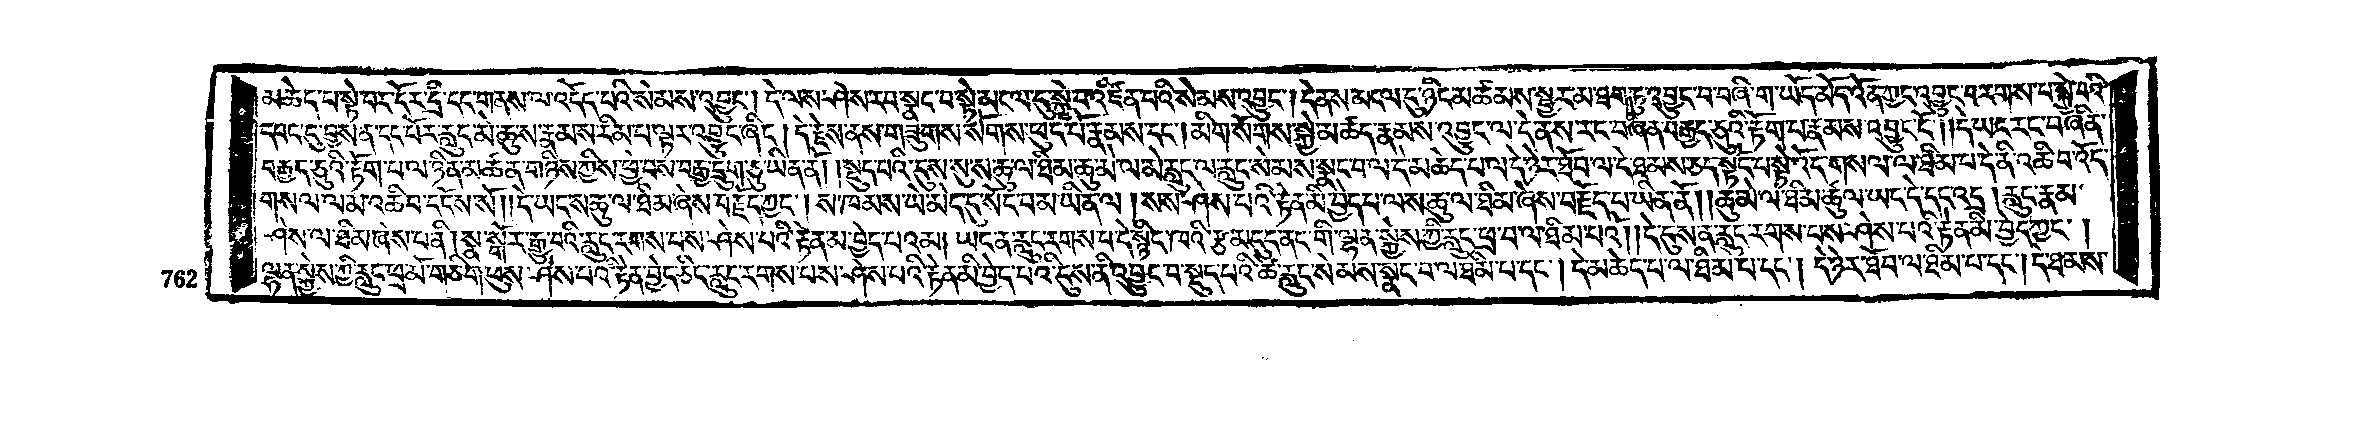མཆེད་པ་སྟེ་བར་དོར་དྲི་དང་གནས་ལ་འདོད་པའི་སེམས་འབྱུང་། དེ་ལས་ཤེས་རབ་སྣང་བ་སྟེ་མངལ་དུ་སྐྱེ་བ་འཛིན་པའི་སེམས་འབྱུང་། དེ་ནས་མངལ་དུ་ཉིང་མཚམས་སྦྱར་མ་ཐག་ཏུ་འབྱུང་བ་བཞི་ག་ཡོད་མོད་འོན་ཀྱང་འབྱུང་བ་རགས་པ་སྐྱེ་བའི་
དབང་དུ་བྱས་ན་དང་པོར་རླུང་མེ་ཆུས་རྣམས་རིམ་པ་ལྟར་འབྱུང་ཞིང་། དེ་རྗེས་ནས་གཟུགས་སོགས་ཕུང་པོ་རྣམས་དང་། མིག་སོགས་སྐྱེ་མཆེད་རྣམས་འབྱུང་ལ་དེ་ནས་རང་བཞིན་བརྒྱད་ཅུའི་རྟོག་པ་རྣམས་འབྱུང་ངོ། །དེ་ཡང་རང་བཞིན་
བརྒྱད་ཅུའི་རྟོག་པ་ལ་ཉིན་མཚན་གཉིས་ཀྱིས་ཕྱེ་བས་བརྒྱ་དྲུག་ཅུ་ཡིན་ནོ། །སྡུད་པའི་དུས་སུ་ས་ཆུ་ལ་ཐིམ་ཆུ་མེ་ལ་མེ་རླུང་ལ་རླུང་སེམས་སྣང་བ་ལ་དེ་མཆེད་པ་ལ་དེ་ཉེར་ཐོབ་ལ་དེ་ཐམས་ཅད་སྟོང་པ་སྟེ་འོད་གསལ་ལ་ཐིམ་པ་དེ་ནི་འཆི་བ་འོད་
གསལ་ལ་མ་འཆི་བ་དངོས་སོ། །དེ་ཡང་ས་ཆུ་ལ་ཐིམ་ཞེས་བརྗོད་ཀྱང་། ས་ཁམས་ཡེ་མེད་དུ་སོང་བ་མ་ཡིན་ལ། སས་ཤེས་པའི་རྟེན་མི་བྱེད་པ་ལས་ཆུ་ལ་ཐིམ་ཞེས་བརྗོད་པ་ཡིན་ནོ། །ཆུ་མེ་ལ་ཐིམ་ཚུལ་ཡང་དེ་དང་འདྲ། རླུང་རྣམ་
ཤེས་ལ་ཐིམ་ཞེས་པ་ནི། སྣ་སྒོར་རྒྱུ་བའི་རླུང་རགས་པས་ཤེས་པའི་རྟེན་མ་བྱེད་པའམ། ཡང་ན་རླུང་རགས་པ་དེ་སྙིང་ཁའི་རྩ་མདུད་ནང་གི་ལྷན་སྐྱེས་ཀྱི་རླུང་ཕྲ་བ་ལ་ཐིམ་པའོ། །དེ་དུས་ན་རླུང་རགས་པས་ཤེས་པའི་རྟེན་མི་བྱེད་ཀྱང་།
ལྷན་སྐྱེས་ཀྱི་རླུང་ཕྲ་མོ་གཅིག་ཕུས་ཤེས་པའི་རྟེན་བྱེད་ཅིང་རླུང་རགས་པས་ཤེས་པའི་རྟེན་མི་བྱེད་པའི་དུས་ནི་འབྱུང་བ་སྡུད་པའི་ཚེ་རླུང་སེམས་སྣང་བ་ལ་ཐིམ་པ་དང་། དེ་མཆེད་པ་ལ་ཐིམ་པ་དང་། དེ་ཉེར་ཐོབ་ལ་ཐིམ་པ་དང་། དེ་ཐམས་